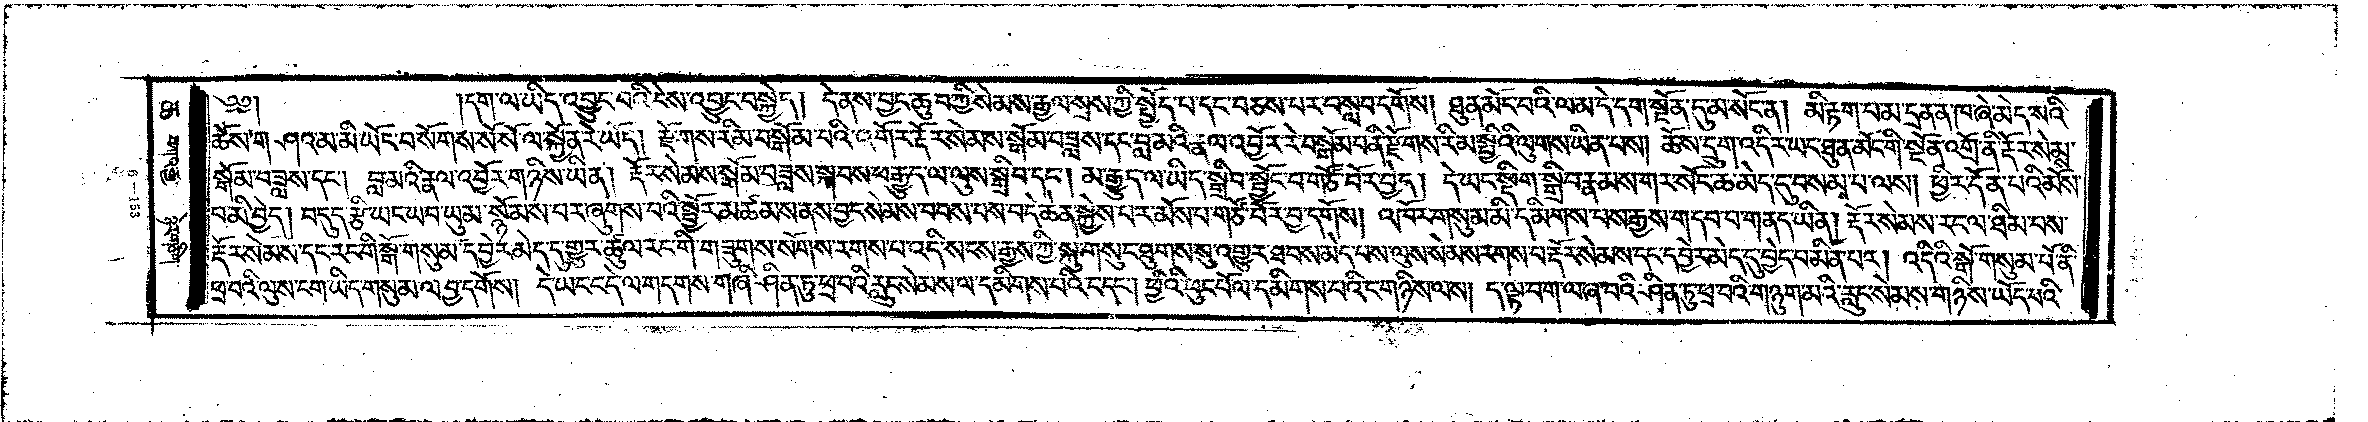༄༅། །དག་ལ་ཡིད་འབྱུང་བའི་ངེས་འབྱུང་བསྐྱེད། དེ་ནས་བྱང་ཆུབ་ཀྱི་སེམས་རྒྱལ་སྲས་ཀྱི་སྤྱོད་པ་དང་བཅས་པར་བསླབ་དགོས། ཐུན་མོང་བའི་ལམ་དེ་དག་སྔོན་དུ་མ་སོང་ན། མི་རྟག་པ་མ་དྲན་ན་ཁ་ཞེ་མེད་སའི་
ཆོས་གཤའ་མ་མི་ཡོང་བ་སོགས་སོ་སོ་ལ་སྐྱོན་རེ་ཡོད། རྫོགས་རིམ་བསྒོམ་པའི་འགོར་རྡོར་སེམས་སྒོམ་བཟླས་དང་བླ་མའི་རྣལ་འབྱོར་རེ་བསྒོམ་པ་ནི་རྫོགས་རིམ་སྤྱིའི་ལུགས་ཡིན་པས། ཆོས་དྲུག་འདིར་ཡང་ཐུན་མོང་གི་སྔོན་འགྲོ་ནི་རྡོར་སེམས་
སྒོམ་བཟླས་དང་། བླ་མའི་རྣལ་འབྱོར་གཉིས་ཡིན། རྡོར་སེམས་སྒོམ་བཟླས་སྐབས་ཕ་རྒྱུད་ལ་ལུས་སྒྲིབ་དང་། མ་རྒྱུད་ལ་ཡིད་སྒྲིབ་སྦྱོང་བ་གཙོ་བོར་བྱེད། དེ་ཡང་སྡིག་སྒྲིབ་རྣམས་གར་སོང་ཆ་མེད་དུ་བསམ་པ་ལས། ཕྱིར་དོན་པའི་མོས་
བ་མི་བྱེད། བདུད་རྩི་ཡང་ཡབ་ཡུམ་སྙོམས་པར་ཞུགས་བའི་སྦྱོར་མཚམས་ནས་བྱང་སེམས་བབས་པས་བདེ་ཆེན་སྐྱེས་པར་མོས་པ་གཙོ་བོར་བྱ་དགོས། འཁོར་གསུམ་མི་དམིགས་པས་རྒྱས་གདབ་པ་གནད་ཡིན། རྡོར་སེམས་རང་ལ་ཐིམ་པས་
རྡོར་སེམས་དང་རང་གི་སྒོ་གསུམ་དབྱེར་མེད་དུ་གྱུར་ཚུལ་རང་གི་གཟུགས་སོགས་རགས་པ་འདི་སངས་རྒྱས་ཀྱི་སྐུ་གསུང་ཐུགས་སུ་འགྱུར་ཐབས་མེད་པས་ལུས་སེམས་རགས་པ་རྡོར་སེམས་དང་དབྱེར་མེད་པས་སེམས་རགས་པ་རྡོར་སེམས་དང་དབྱེར་མེད་དུ་བྱེད་བ་མིན་པར། འདིའི་སྒྲོ་གསུམ་པོ་ནི་
ཕྲ་བའི་ལུས་ངག་ཡིད་གསུམ་ལ་བྱ་དགོས། དེ་ཡང་ང་དེ་ལ་གདགས་གཞི་ཤིན་ཏུ་ཕྲ་བའི་རླུང་སེམས་ལ་དམིགས་པའི་ང་དང་། ཕྱིའི་ཕུང་པོ་ལ་དམིགས་པའི་ང་གཉིས་ལས། ད་ལྟ་བག་ལ་ཞ་བའི་ཤིན་ཏུ་ཕྲ་བའི་གཉུག་མའི་རླུང་སེམས་གཉིས་ཡོད་པའི་